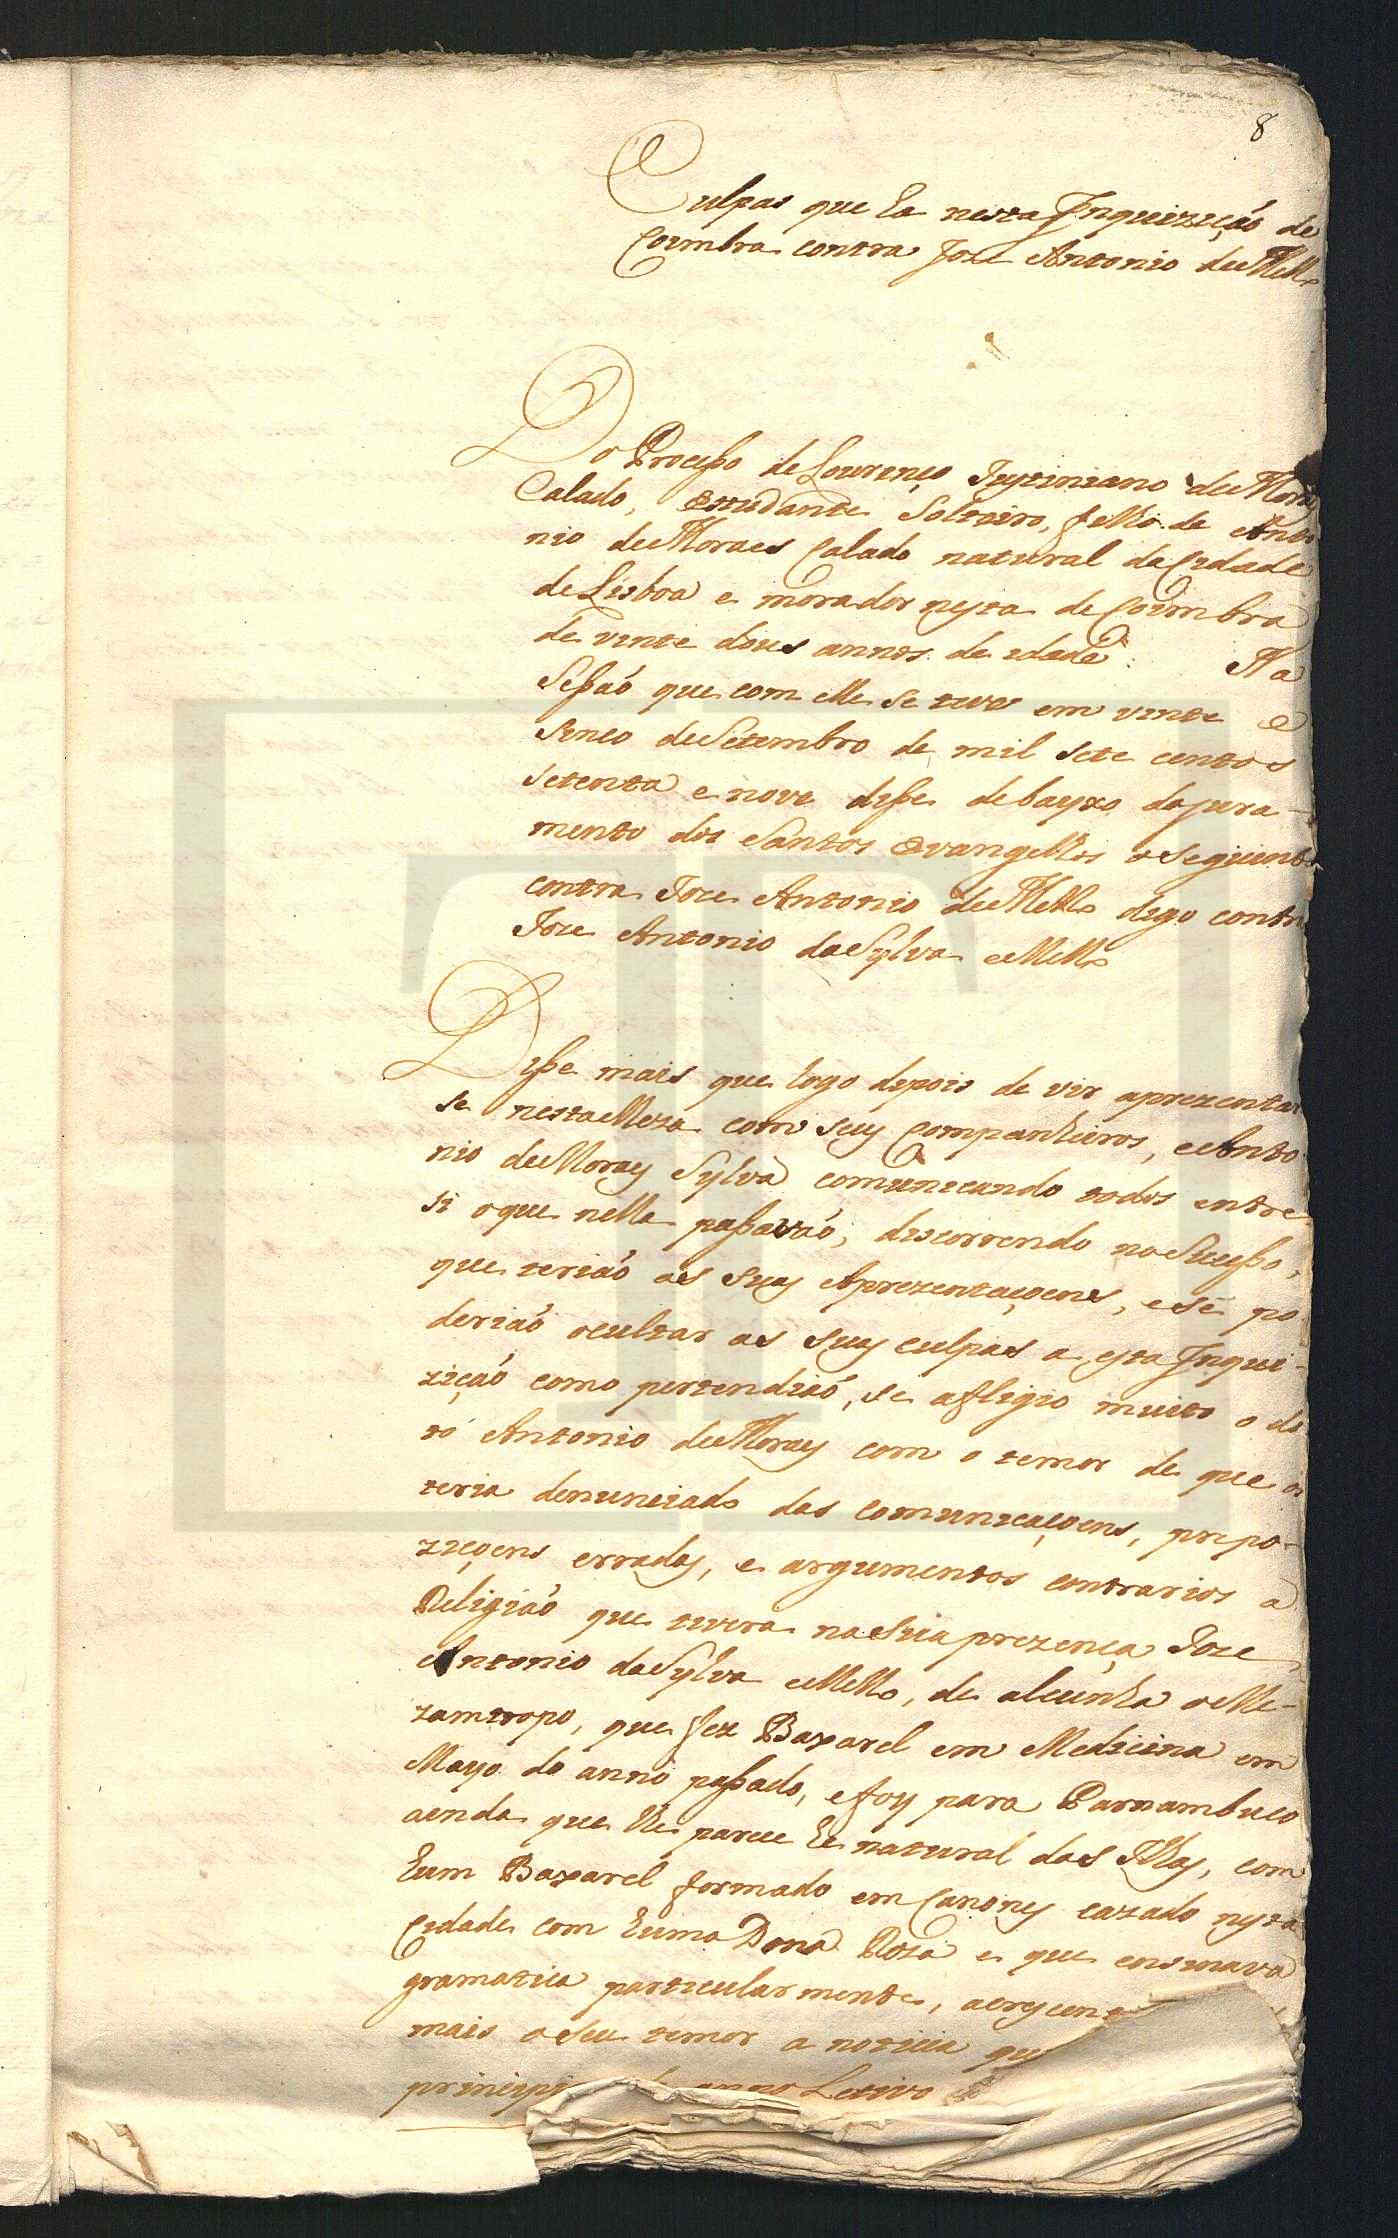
Culpas que ha nesta Jnquizição de
Coimbra contra Joze Antonio de Mello
Do Processo de Lourenço Iustiniano de Moraes
Calado, estudante solteiro, filho de Anto
nio de Moraes Calado natural da Cidade
de Lisboa e morador nesta de Coimbra
de vinte dous annos de idade. Na
sessaõ que com elle se teve em vinte e
senco de Setembro de mil setecentos
setenta e nove disse debayxo do jura
mento dos Santos Evangelhos o seguinte
contra Ioze Antonio de Mello digo contr_
Ioze Antonio da Sylva e Mello
Disse mais que logo depois de vir aprezentar
se nesta Meza com seus Companheiros, e Anto
nio de Moraes Sylva comunicando todos entre
si o que nella passavaõ, descorrendo no Recesso,
que teriaõ ás suas Aprezentaçoens, e se po
deriaõ ocultar as suas culpas a esta Jnqui
ziçaõ como pertendiaõ, se afligio muito o do
tó Antonio de Morais com o temor de que o
teria denunciado das comunicaçoens, prepo
ziçoens erradas, e argumentos contrarios a
Religiaõ que tivera na sua prezença Ioze
Antonio da Sylva e Mello, de alcunha o Me
zamtropo, que fez Baxarel em Medicina em
Mayo do anno passado, e foy para Parnambuco
ainda que lhe parece he natural das Ilhas, com
hum Baxarel formado em Canones cazado nesta
Cidade com huma Dona Roza e que ensinava
gramatica particularmente, acrescen
mais o seu temor a noticia que
principi
Letivo
